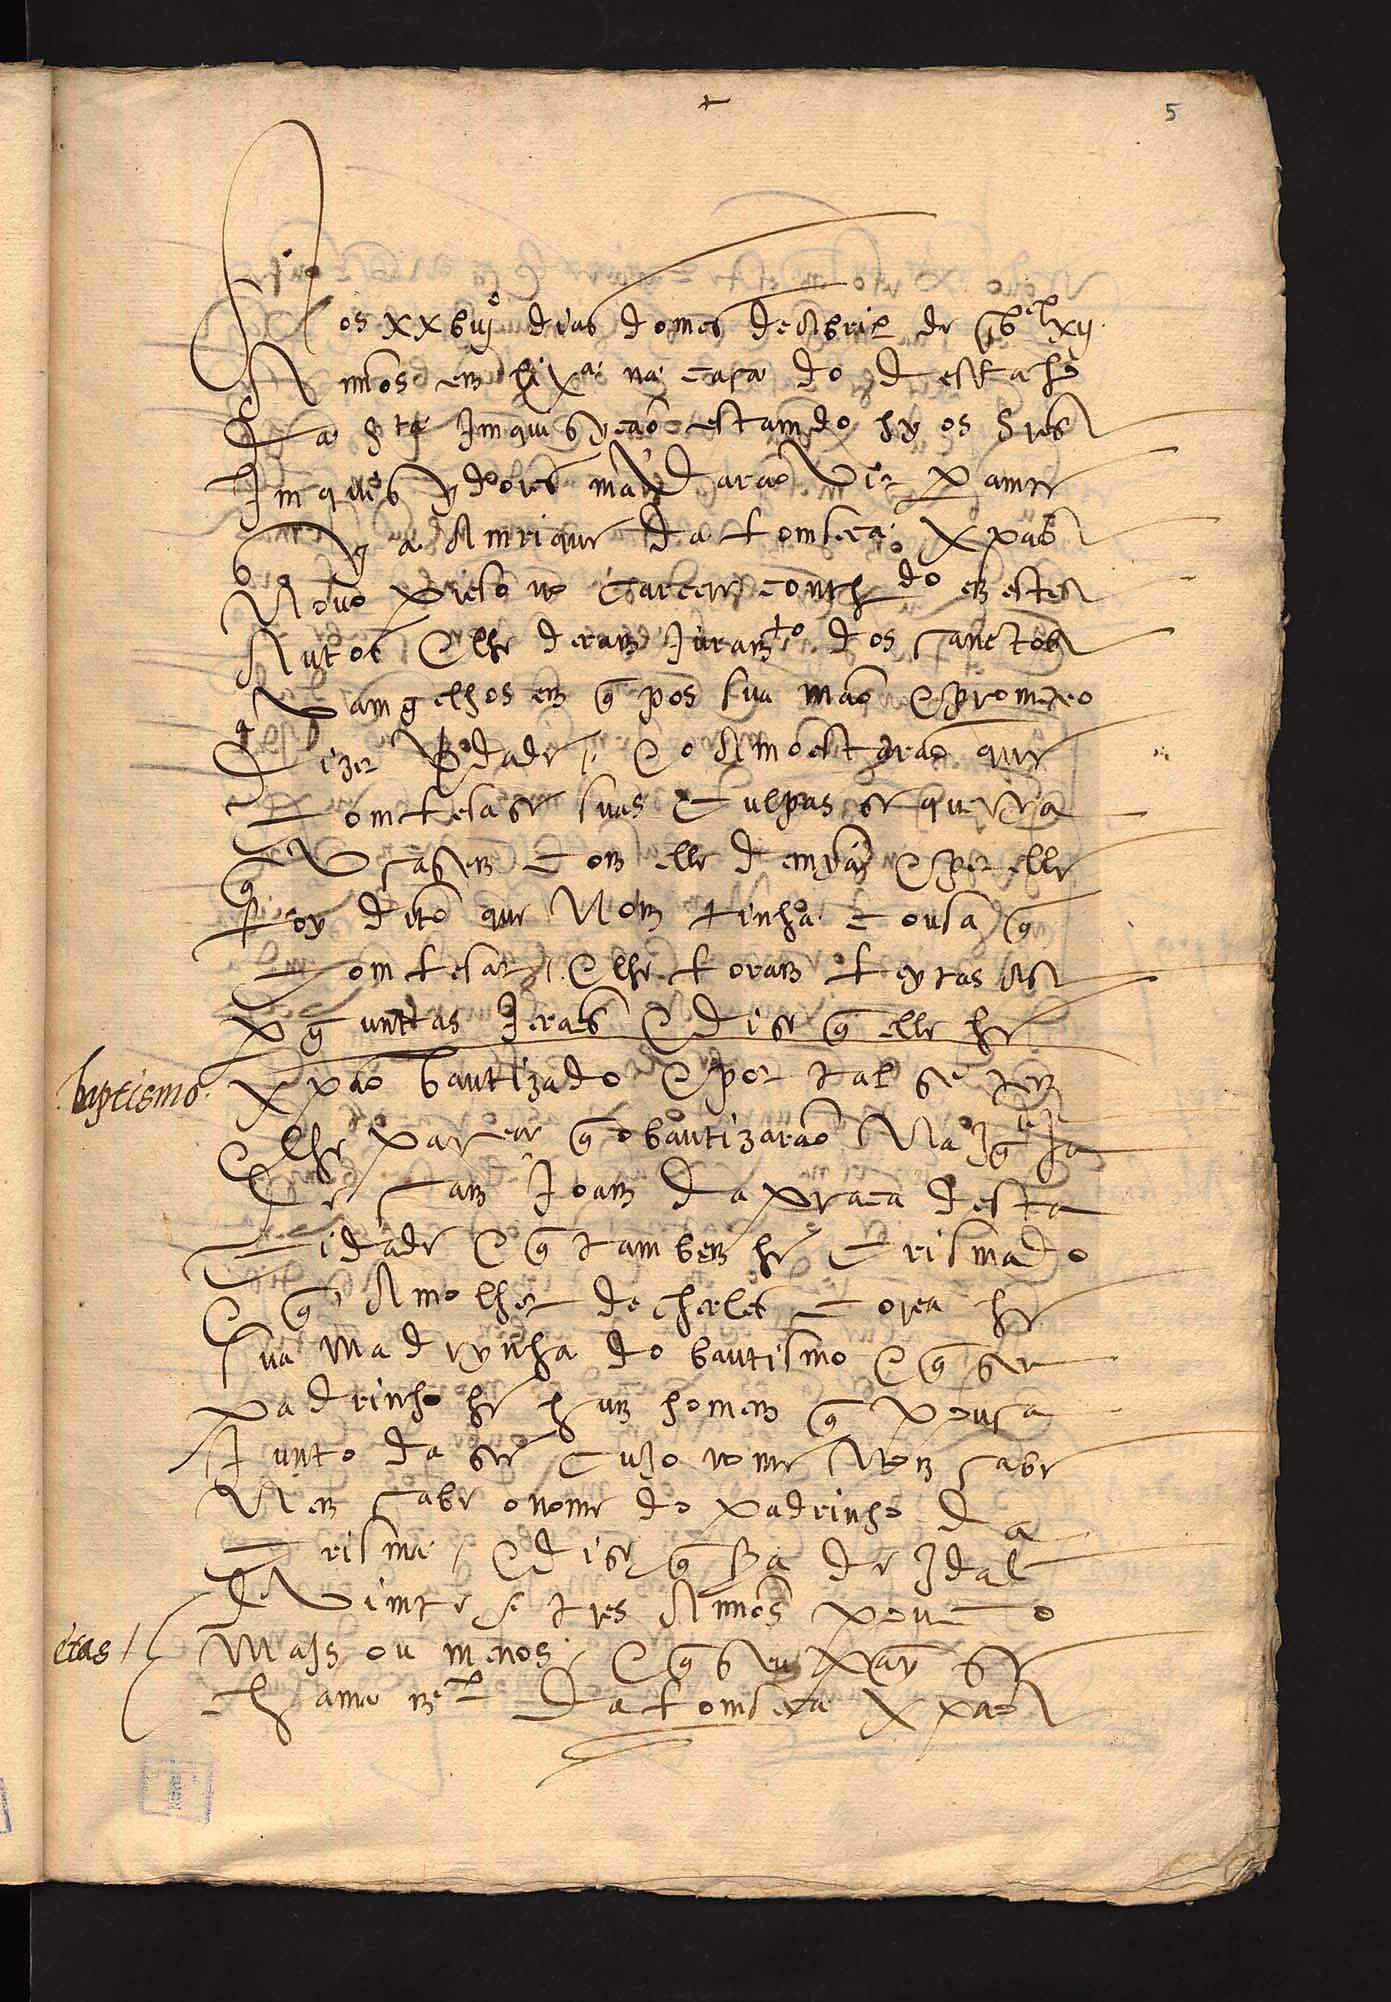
Aos xxbiijo dias do mes de Abril de jbclxij
Anno̅s em lixa na casa do despacho
da Sta Jmquisyçaõ estamdo hy os Sres̄
Jmquisydores mādaraõ Vir ꝑamte
sy a Amrique da fomseca Xpaõ
Nouo preso no carcere conthdo em estes
Autos e lhe deram Juramto dos sanctos
avamgelhos em q̅ pos sua maõ e prometeo
dizer Ꝟdade /. e o Amoestaraõ que
Comfesase suas Culpas se querya
q̅ Vsasem com elle de mya̅ e por elle
foy dit̅o que nom tinha cousa q̅
Comfesar /. e lhe foram feytas As
ꝑguntas geraes e dise q̅ elle he
Xpaõ bautizado e por tal se tem
e lhe pareçe q̅ o bautizaraõ Na Jg̅Ja
de sam Joam da Praca desta
Cidade e q̅ tambem he crismado
e q̅ A molher de charles corea he
sua madrynha do bautismo e q̅ seu
padrinho he hum homem q̅ pousa
Junto da see cujo nome Nom sabe
Nem sabe o nome do padrinho da
Crisma / e dise q̄ ꞩa de Jdade
de vimte e tres Annos pouco
majs ou menos / e q̅ seu pay se
chama mel da fomseca Xpaõ
